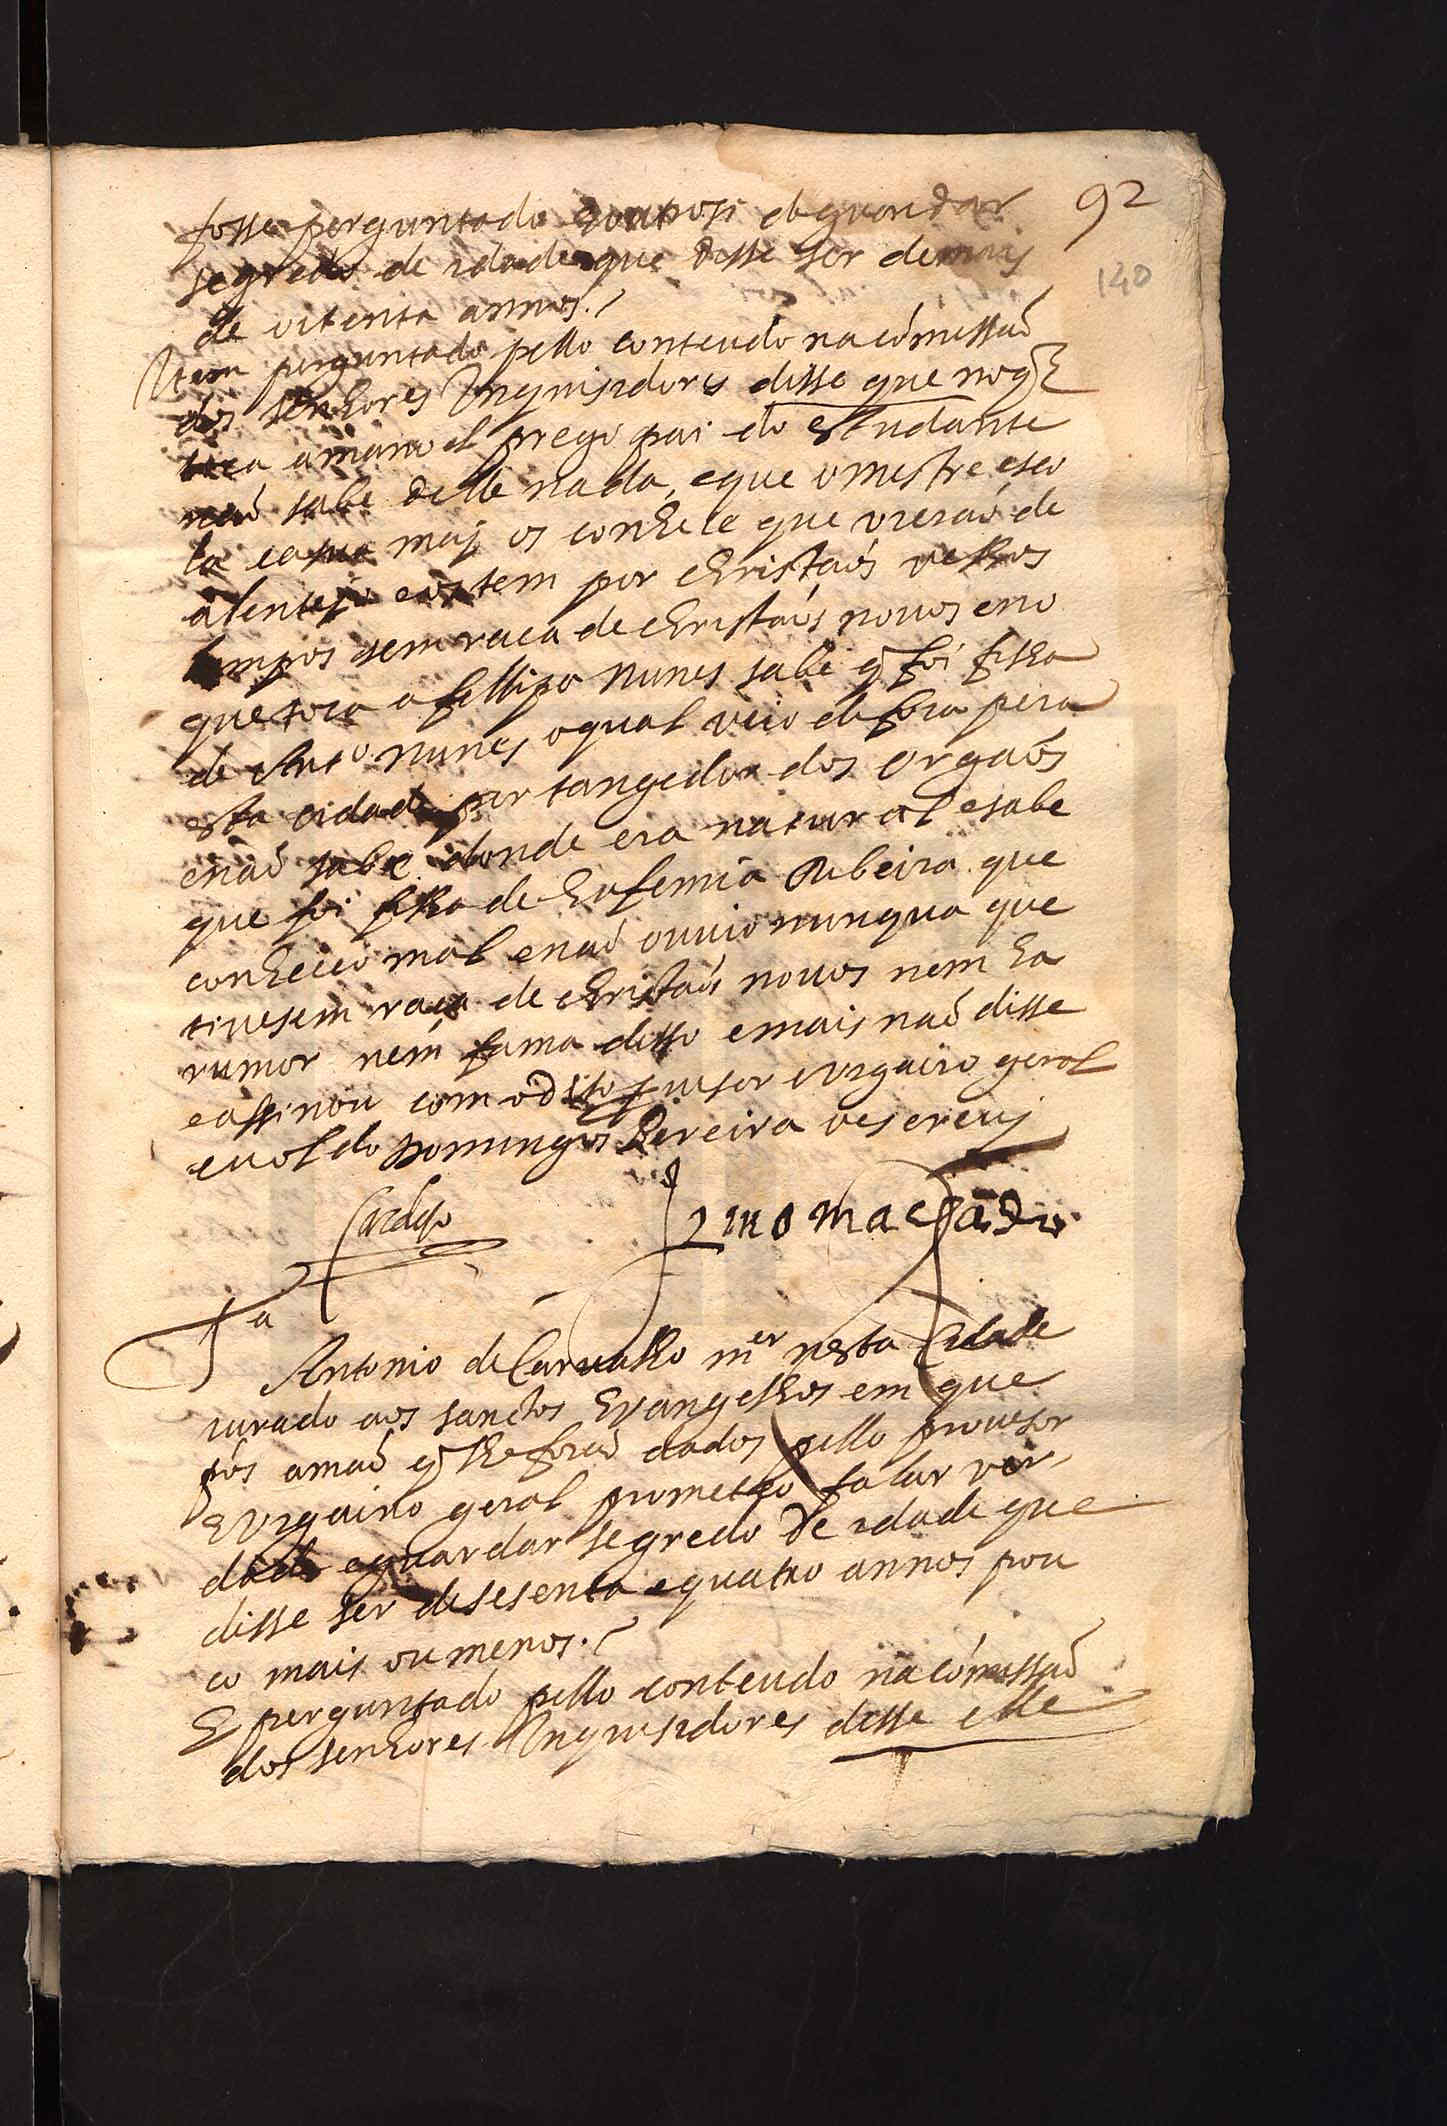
fosse perguntado E outrosi de guardar
segredo de idade que disse ser de mais
de oitenta annos./
Item perguntado pello conteudo na cōmissaõ
dos senhores Inquisidores disse que no q̄
toca a manoel prego pai do estudante
naõ sabe delle nada, e que o mestre esco
la e a sua maj os conhece que vieraõ de
alentejo e os tem por christaõs velhos
limpos e sem raça de christaõs nouos e no
que toca a fellipa nunes sabe q̄ foi filha
de Anto nunes o qual veio de fora pera
esta cidade por tangedor dos orgaõs
e naõ sabe donde era natural e sabe
que foi filho de Eufemia Ribeira que
conheceo mal e naõ ouuio nunqua que
tiuesem raça de christaõs nouos nem ha
rumor nem fama disso e mais naõ disse
e assinou com o dito ꝓuisor e vigairo geraL
eu o Ldo Domingos Pereira o escreuj
Ta Antonio de Carualho mor nesta Cidade
iurado aos sanctos Evangelhos em que
pōs a maõ q̄ lhe foraõ dados pello prouisor
E Vigairo geral prometeo falar ver
dade e guardar segredo de idade que
disse ser de sesenta e quatro annos pou
co mais ou menos.
E perguntado pello conteudo na cōmissaõ
dos senhores Inquisidores disse elle
